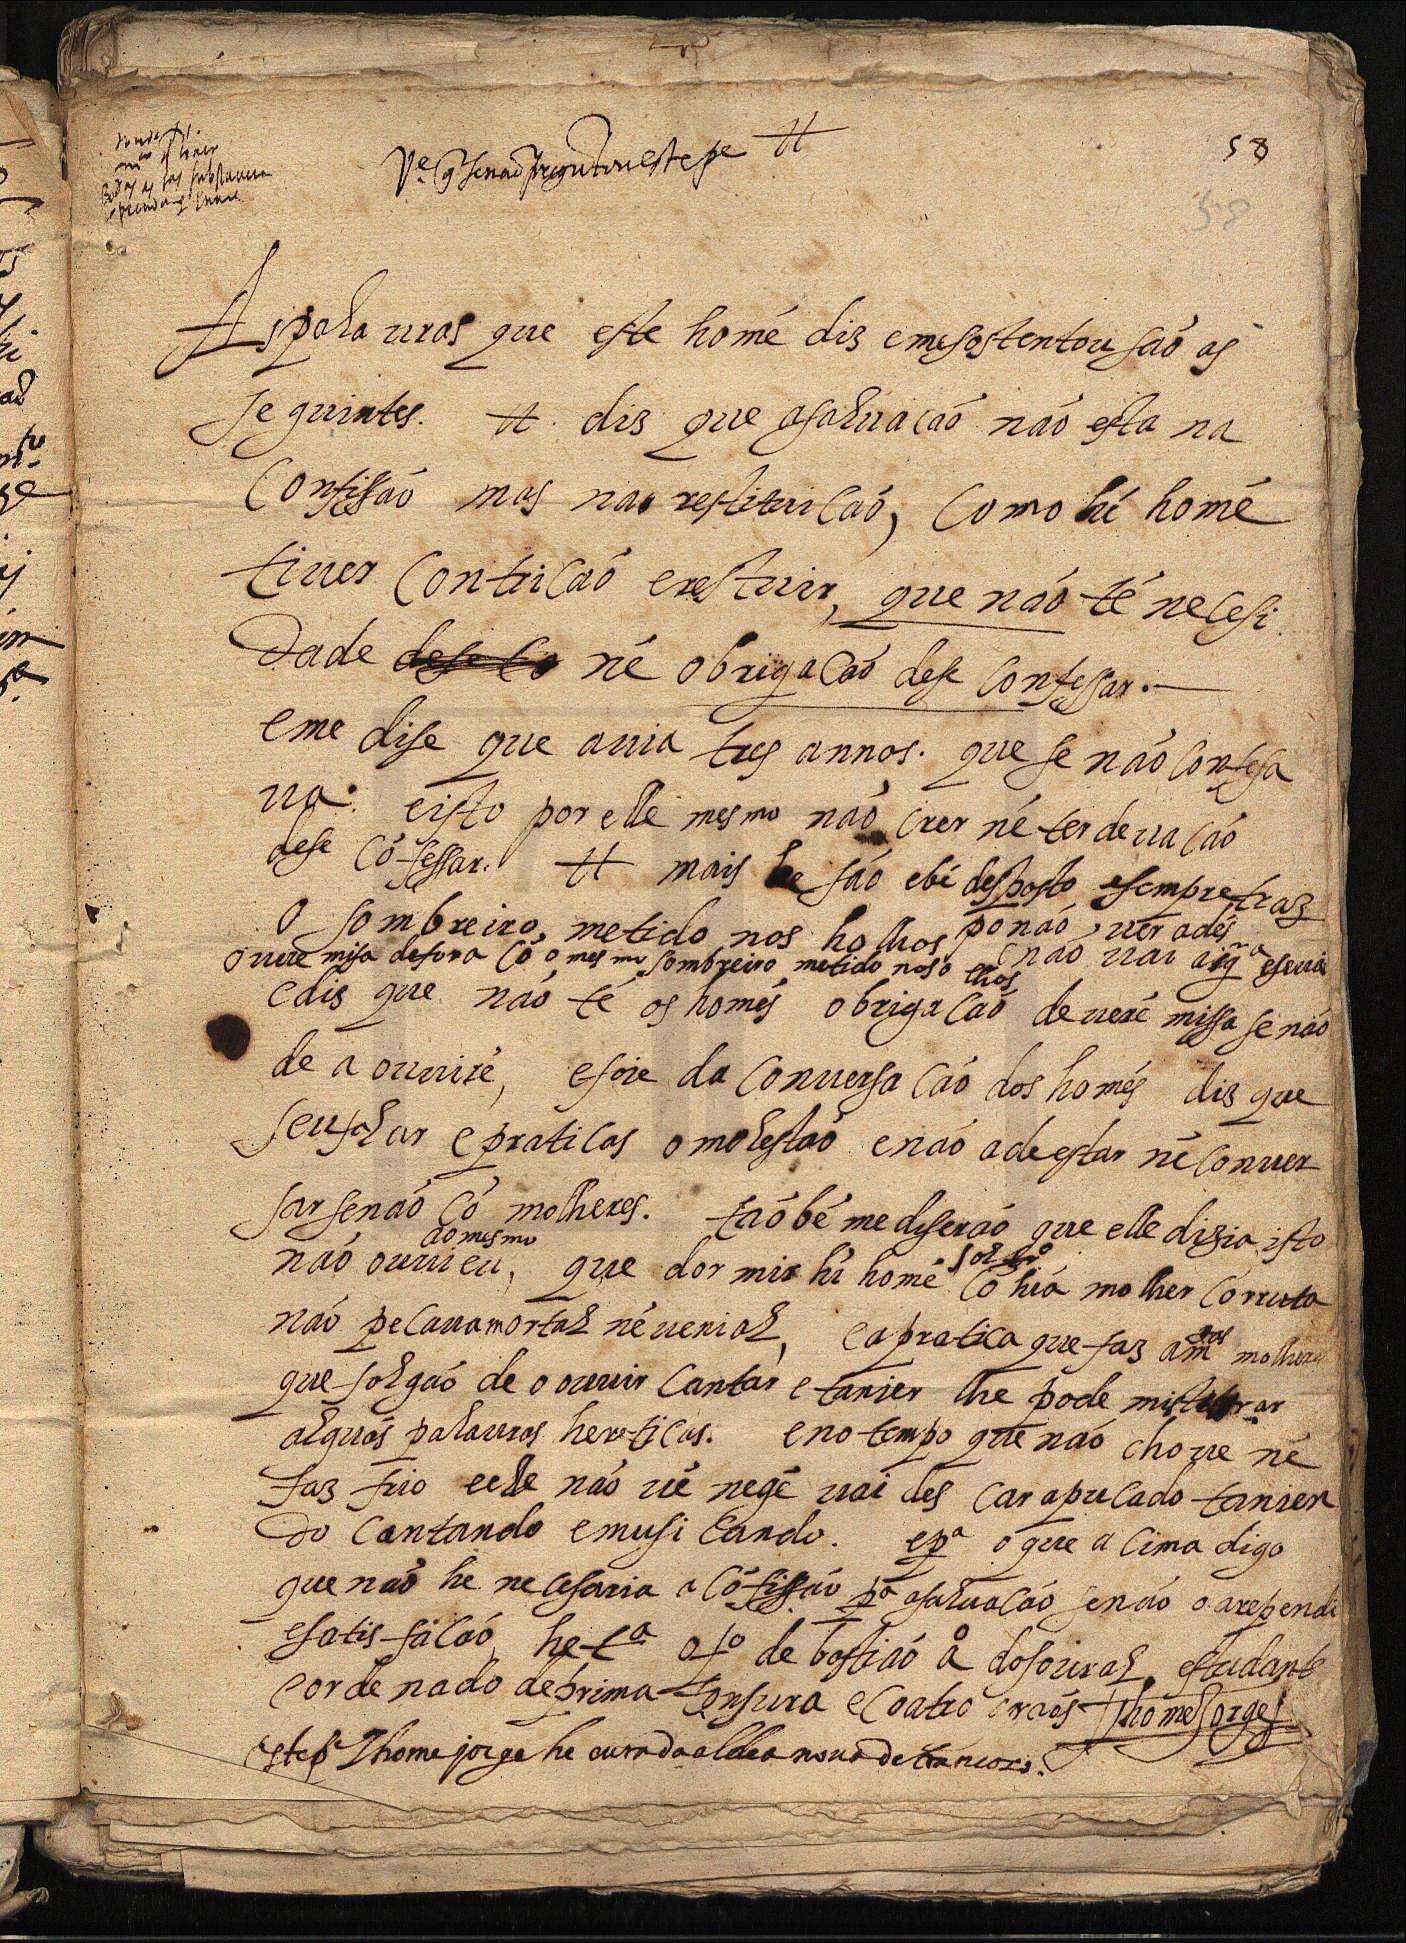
V.e q̄ se naõ pregūtou este pe
As palauras que este homē diz e me sostentou saõ as
seguintes. item diz que a saluaçaõ naõ esta na
Confissaõ mas na restituiçaõ, como hū homē
tiuer contriçaõ e restuir, que naõ tē necesi
dade de se to nē obrigaçaõ de se confessar.
e me dise que auia tres annos. que se naõ confesa
ua e isto por elle mesmo naõ crer nē ter deuaçaõ
de se cōfessar. item mais he saõ e bē desposto, e sempre traz
o sombreiro metido nos holhos po naõ uer a des̄
e não uai a igra e se uai
ouue misa de fora cō o mesmo sombreiro metido nos olhos
e dis que naõ tē os homes̄ obrigaçaõ de uerē missa senão
de a ouuirē, e foie da conuersaçaõ dos homēs diz que
seu falar e praticas o molestaõ e naõ ade estar nē conuer
sar senão cō molheres.
taõbē me diseraõ que elle dizia isto
ao mesmo
soltro
naõ ouui eu, que dormir hū homē cō huā molher corruta
naõ pecaua mortal nē uenial, e a pratica que faz a mtas molhere
que folgaõ de o ouuir cantar e tanier lhe pode misturar
alguās palauras hereticas. e no tempo que naõ choue nē
faz frio e elle naõ uē negē uai descarapuçado tanien
do cantando e musicando. e ꝑa o que acima digo
que naõ he necesaria a cōfissaõ ꝑa a saluaçaõ senão o arependi
e satisfaçaõ he ta o fo de bastiaõ ao do soural, estudante
e ordenado de prima tonsura e Coatro graos̄
este pe Thome jorge he cura da aldea noua de trancozo
Thome Jorge
